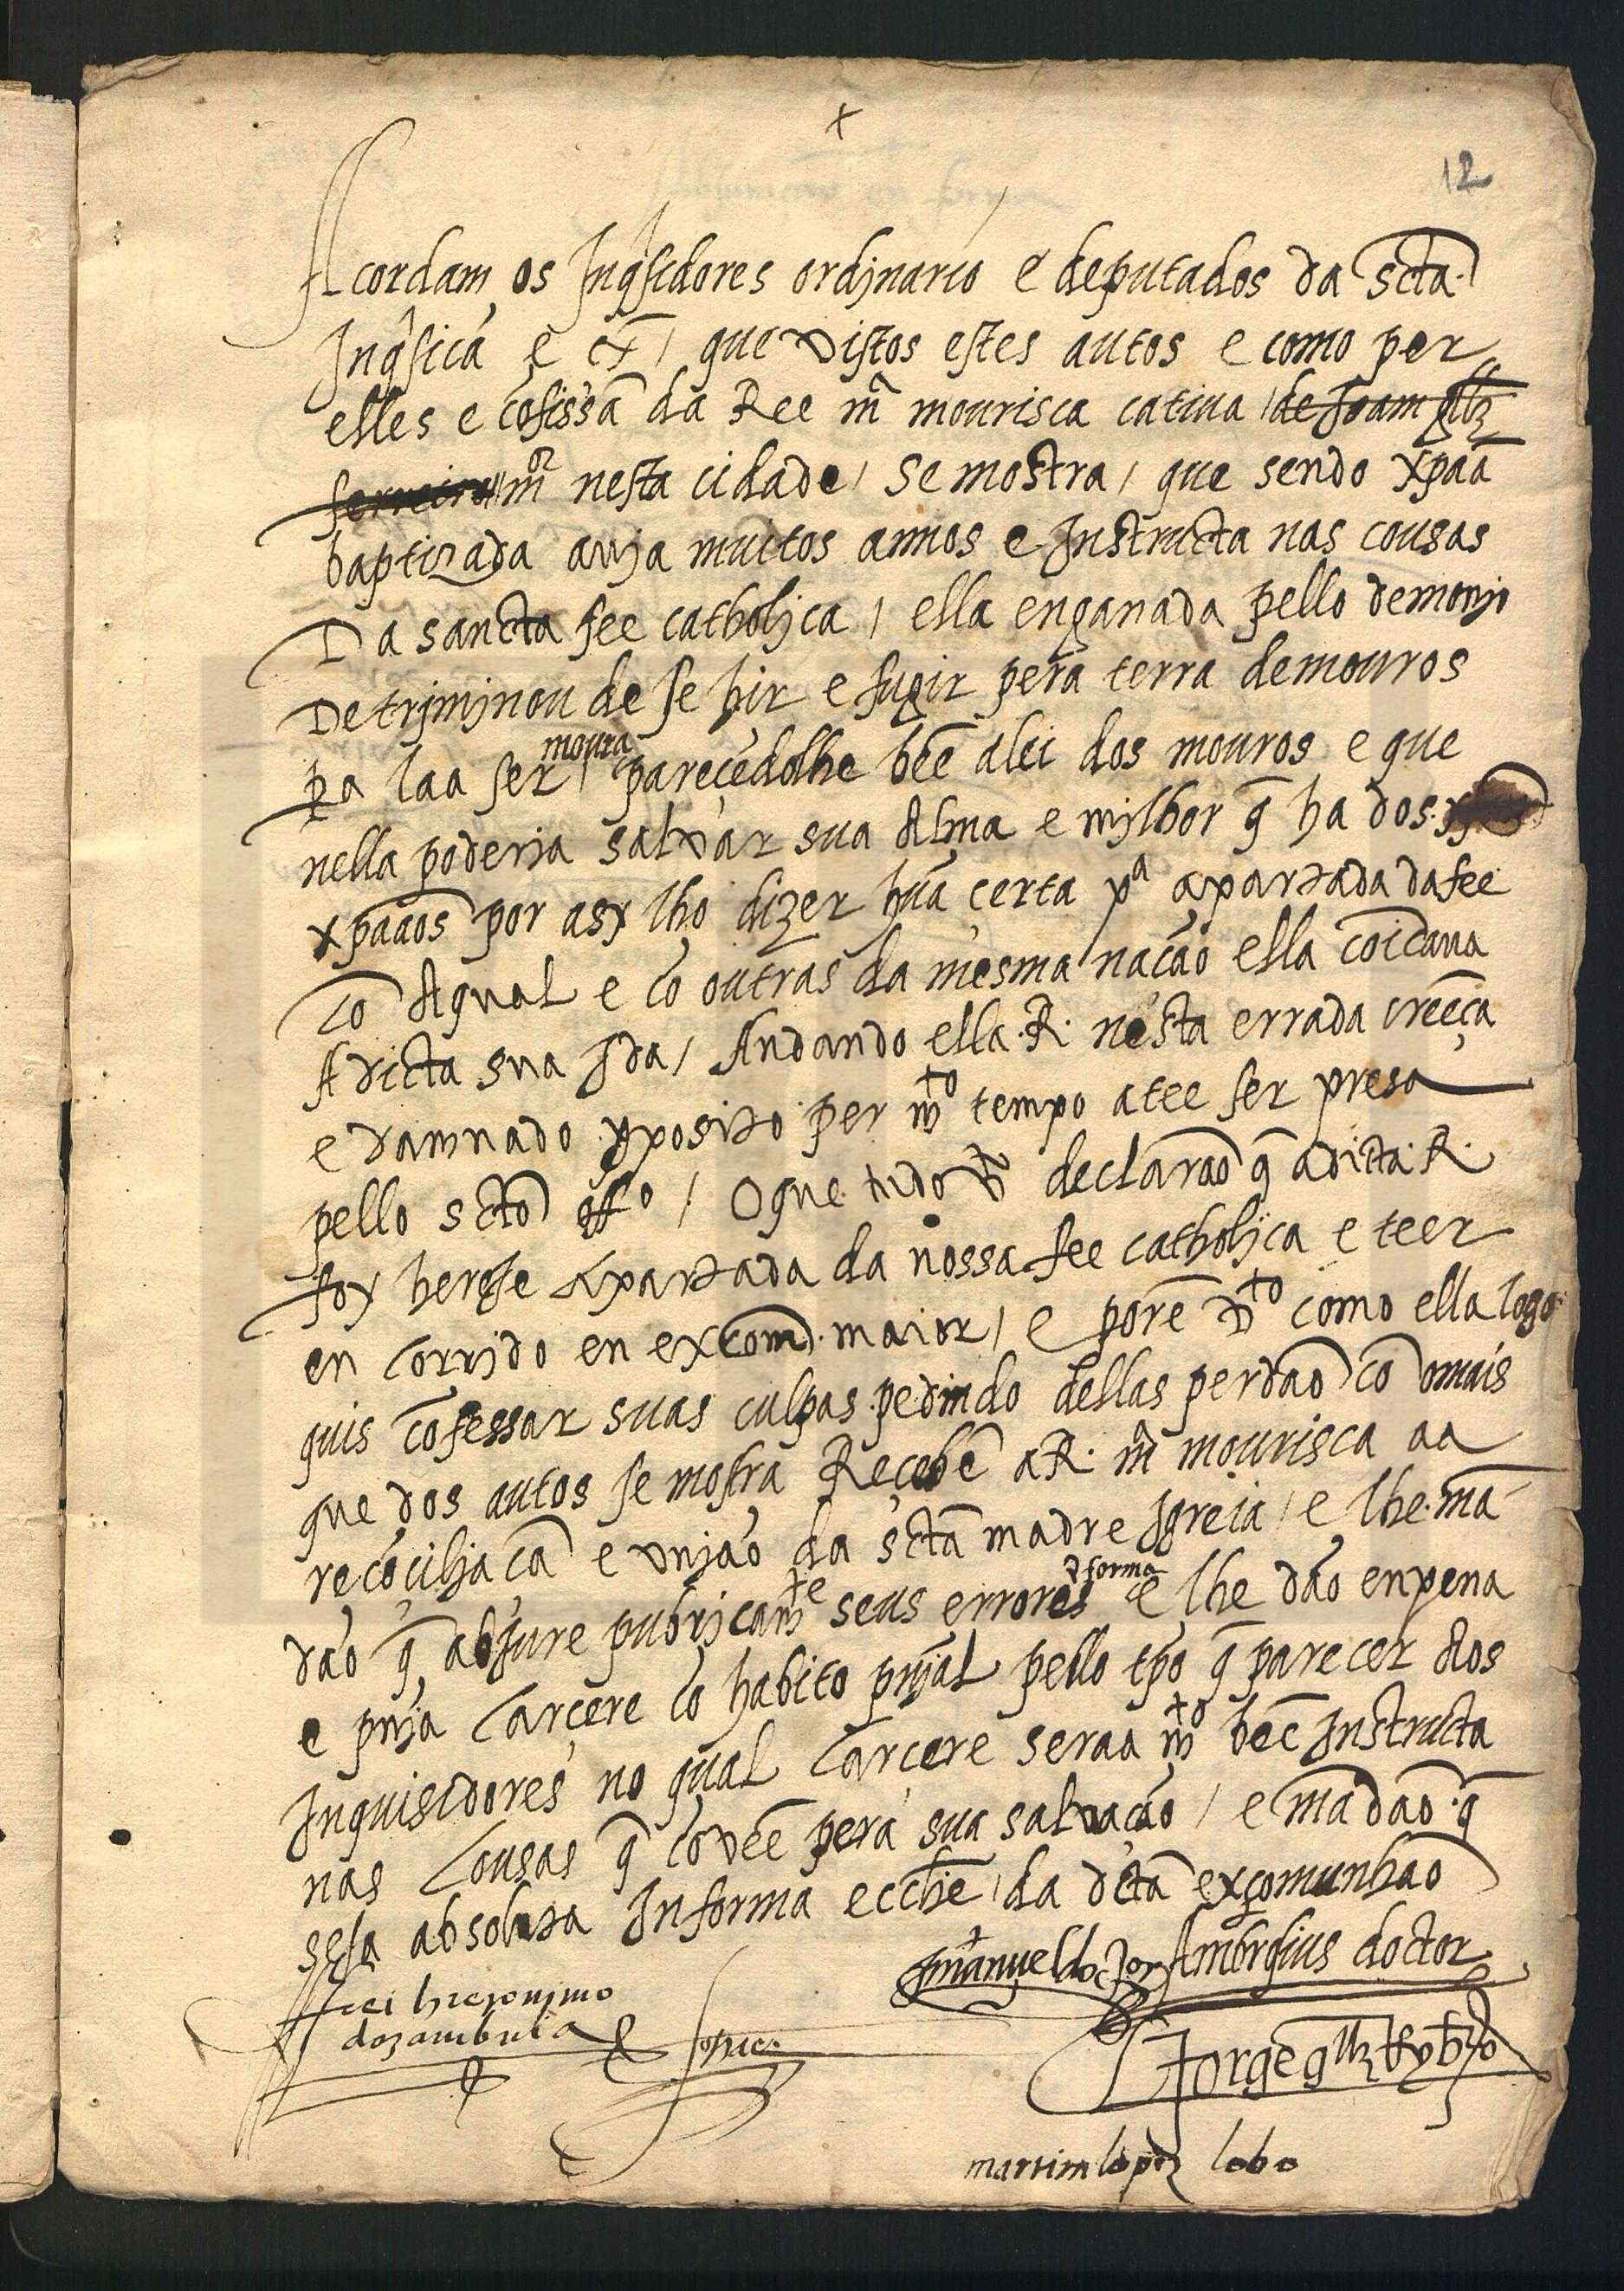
Acordam os Jnq̄sidores ordinario e deputados da s̄cta
Jnq̄siçā e cꝭ̄ / que Vistos estes autos e como per
elles e cōfissā da Ree ma mourisca catiua / de Joam gl̄lz
ferreira / mor nesta cidade / se mostra / que sendo xpaā
baptizada auja muitos annos e Jnstructa nas cousas
Da sancta fee catholica / ella enganada pello demonjo
Detrjmjnou de se hir e fugir pera terra de mouros
ꝑa laa ser
moura
pareçēdolhe bēe a lei dos mouros e que
nella poderia salvar sua Alma e mjlhor q̄ a dos
xp̄aaos por asy lho dizer hūa certa pa apartada da fee
cō A qual e cō outras da mesma nação ella coidaua
A dicta sua Jda / Andando ella .R. nesta errada crēeça
e Damnado ꝓposito per mto tempo atee ser presa
pello sctō offo / O que tudo vto declarão q̄ a dicta .R.
foy herege apartada da nossa fee catholica e teer
encorrido en exc̄om maior / e porē vto como ella logo
quis cōfessar suas culpas pedindo dellas perdão cō o mais
que dos autos se mostra Recebē a R. ma mourisca aa
reconciljaçā e vnjão da sctā madre Jgreia / e lhe mā
dão q̄ abjure pubricamte seus errores
ē forma
e lhe dão en pena
e pnj̄a Carcere cō habito pnj̄al pello tp̄o q̄ parecer Aos
Jnquisidores no quaL Carcere seraa mto bēe Jnstructa
nas Cousas q̄ cōvēe pera sua salvação / e mādão q̄
seja absoluta In forma ecc̄lie da dicta excomunhão
